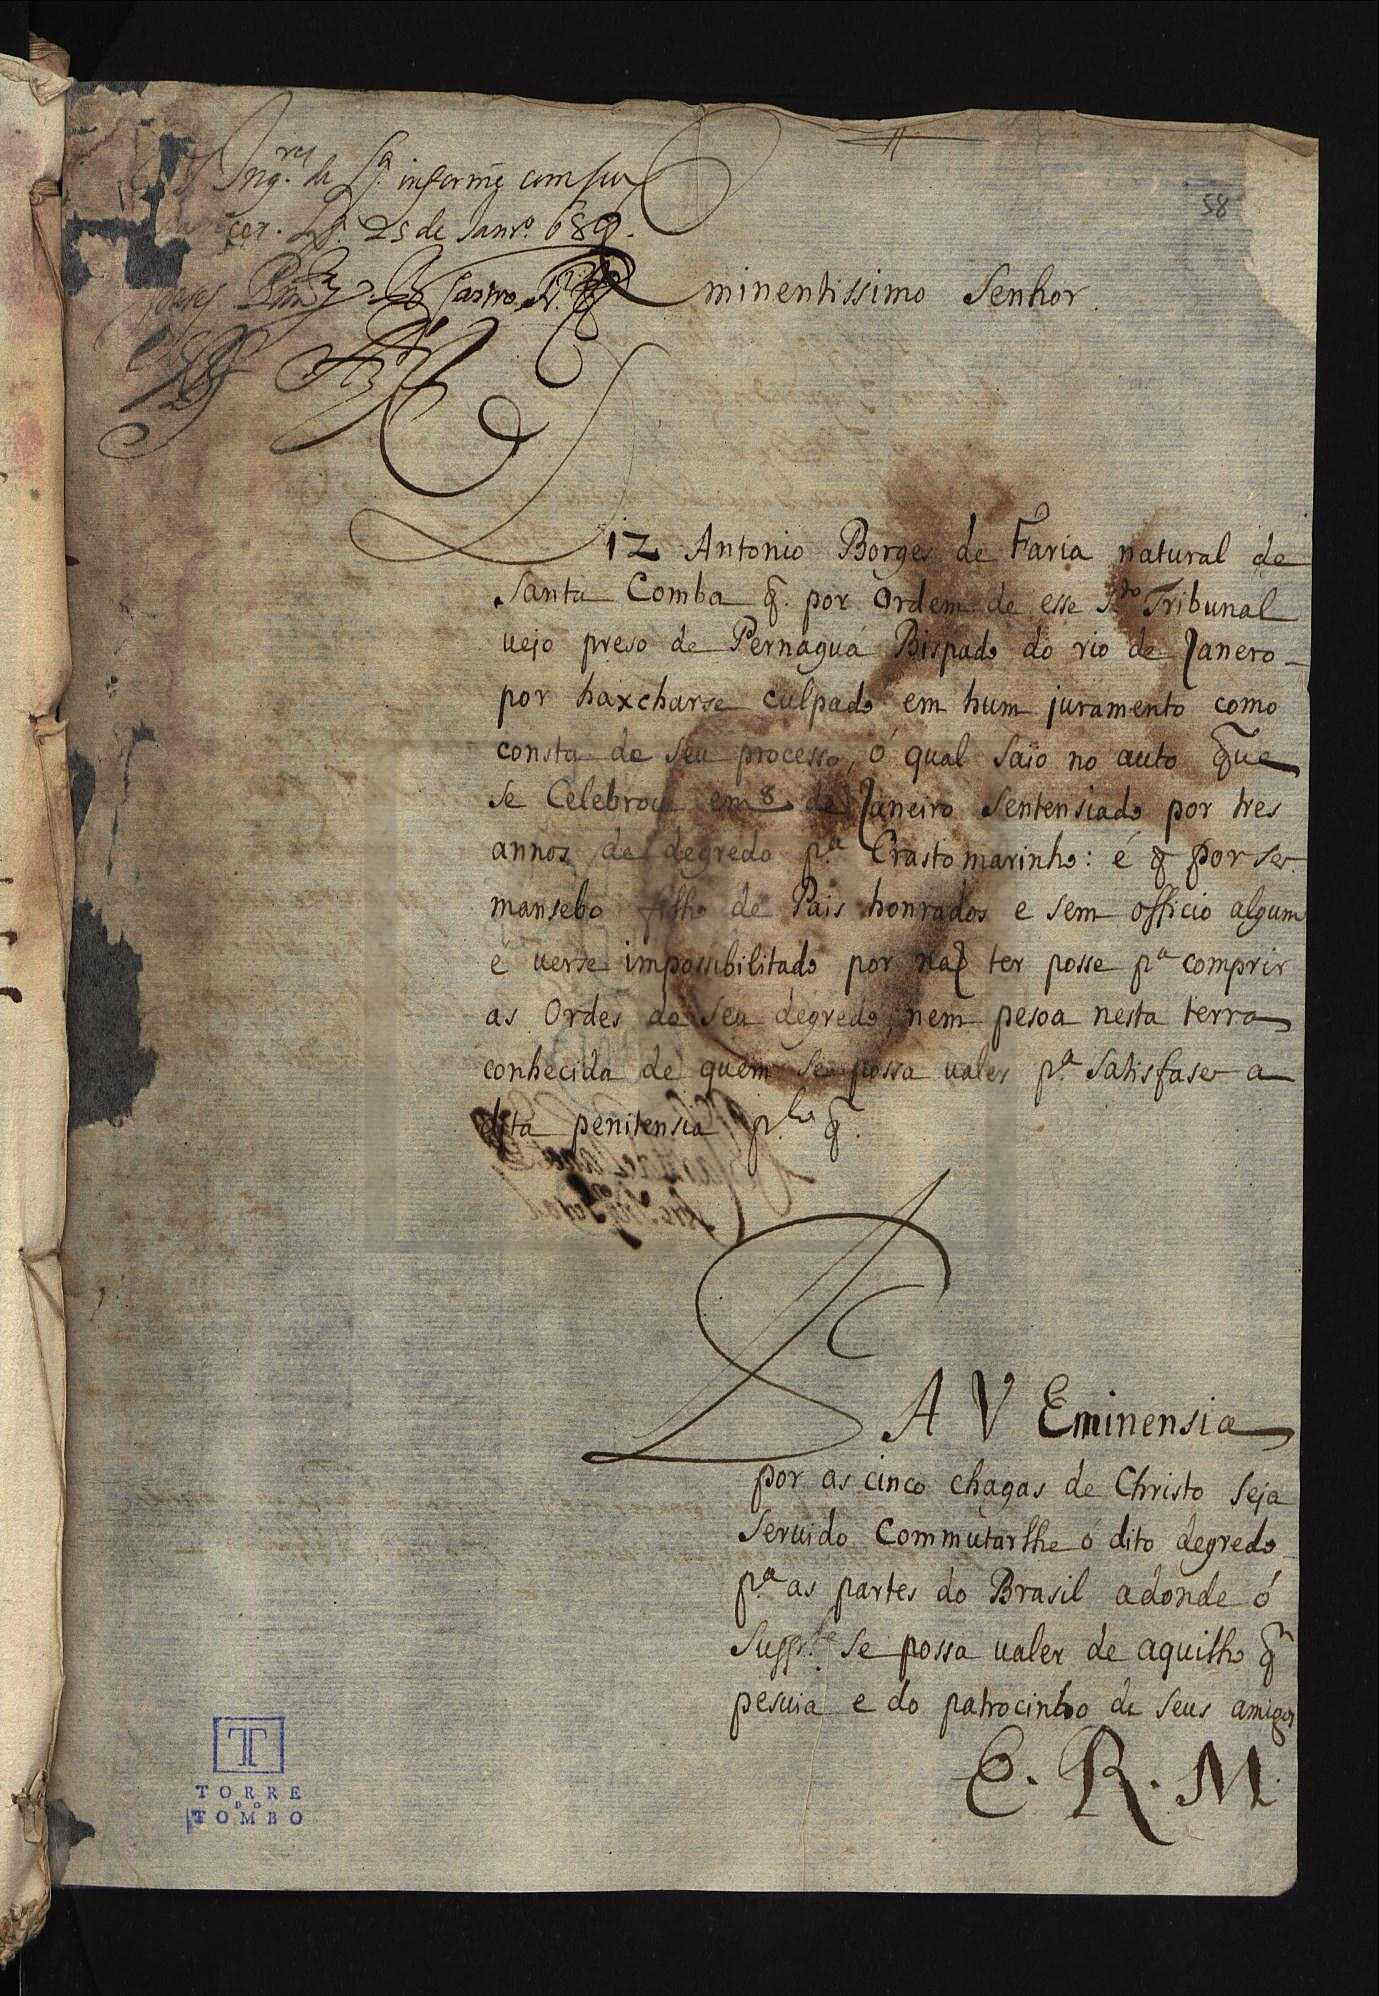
OS Inq.res de Lx.a informē com seu
parecer. Lxa. 25 de Ianr.o 689.
Soares Pimta
Castro Fr.
Eminentissimo Senhor
Azdo
Diz Antonio Borges de Faria natural de
Santa Comba q̄. por ordem de esse S.to Tribunal
uejo preso de Pernaguá Bispado do rio de Janero
por haxcharse culpado em hum juramento como
consta de seu processo, o qual saio no auto que
se Celebrou em 8 de Janeiro sentensiado por tres
annos de degredo p.a Crasto marinho: e q̄ por ser
mansebo filho de Pais honrados e sem officio algum
e uerse impossibilitado por naõ ter posse pa comprir
as Ordes de seu degredo; nem pesoa nesta terra
conhecida de quem se possa ualer p.a satisfaser a
dita penitensia p.lo q̄.
P A V Eminensia
por as cinco chagas de Christo seja
Seruido commutarlhe o dito degredo
p.a as partes do Brasil adonde ó
Supp.te se possa ualer de aquilho q̄
pesuia e do patrocinho de seus amigos
E. R. M.
